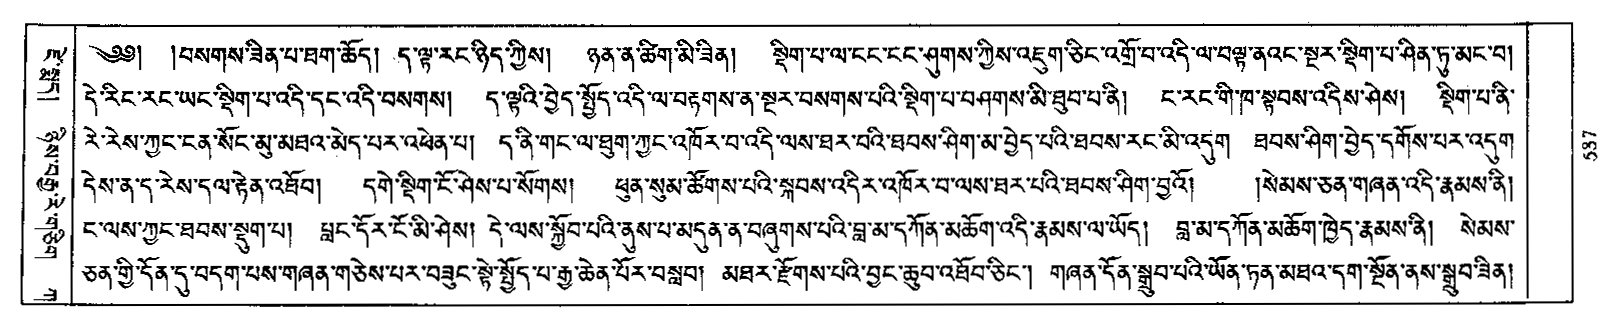༄༅། །བསགས་ཟིན་པ་ཐག་ཆོད། ད་ལྟ་རང་ཉིད་ཀྱིས། ཉན་ན་ཚིག་མི་ཟིན། སྡིག་པ་ལ་ངང་ངང་ཤུགས་ཀྱིས་འཇུག་ཅིང་འགྲོ་བ་འདི་ལ་བལྟ་ནའང་སྔར་སྡིག་པ་ཤིན་ཏུ་མང་བ།
དེ་རིང་རང་ཡང་སྡིག་པ་འདི་དང་འདི་བསགས། ད་ལྟའི་བྱེད་སྤྱོད་འདི་ལ་བརྟགས་ན་སྔར་བསགས་པའི་སྡིག་པ་བཤགས་མི་ཐུབ་པ་ནི། ང་རང་གི་ཁ་སྟབས་འདིས་ཤེས། སྡིག་པ་ནི་
རེ་རེས་ཀྱང་ངན་སོང་མུ་མཐའ་མེད་པར་འཕེན་པ། ད་ནི་གང་ལ་ཐུག་ཀྱང་འཁོར་བ་འདི་ལས་ཐར་བའི་ཐབས་ཤིག་མ་བྱེད་པའི་ཐབས་རང་མི་འདུག་ཐབས་ཤིག་བྱེད་དགོས་པར་འདུག་
དེས་ན་ད་རེས་དལ་རྟེན་འཐོབ། དགེ་སྡིག་ངོ་ཤེས་པ་སོགས། ཕུན་སུམ་ཚོགས་པའི་སྐབས་འདིར་འཁོར་བ་ལས་ཐར་པའི་ཐབས་ཤིག་བྱའོ། །སེམས་ཅན་གཞན་འདི་རྣམས་ནི།
ང་ལས་ཀྱང་ཐབས་སྡུག་པ། བླང་དོར་ངོ་མི་ཤེས། དེ་ལས་སྐྱོབ་པའི་ནུས་པ་མདུན་ན་བཞུགས་པའི་བླ་མ་དཀོན་མཆོག་འདི་རྣམས་ལ་ཡོད། བླ་མ་དཀོན་མཆོག་ཁྱེད་རྣམས་ནི། སེམས་
ཅན་གྱི་དོན་དུ་བདག་པས་གཞན་གཅེས་པར་བཟུང་སྟེ་སྤྱོད་པ་རྒྱ་ཆེན་པོར་བསླབ། མཐར་རྫོགས་པའི་བྱང་ཆུབ་འཐོབ་ཅིང་། གཞན་དོན་སྒྲུབ་པའི་ཡོན་ཏན་མཐའ་དག་སྔོན་ནས་སྒྲུབ་ཟིན།